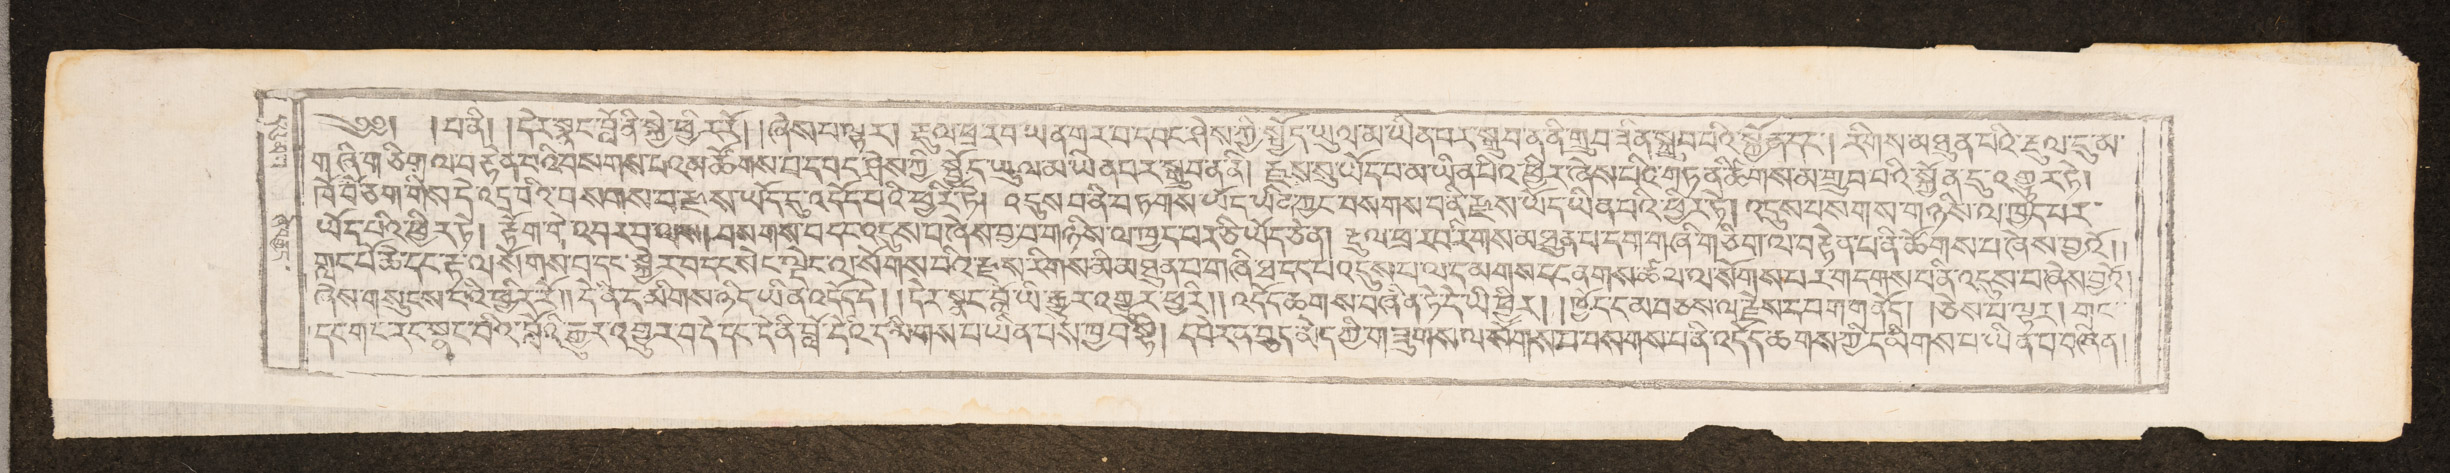༄༅། །བ་ནི། །དེར་སྣང་བློ་ནི་སྐྱེ་ཕྱིར་རོ། །ཞེས་པ་ལྟར། རྡུལ་ཕྲ་རབ་ཡན་གར་བ་དབང་ཤེས་ཀྱི་སྦྱོད་ཡུལ་མ་ཡིན་པར་སྒྲུབ་ན་ནི་གྲུབ་ཟིན་སྒྲུབ་པའི་སྐྱོན་དང་། རིགས་མཐུན་པའི་རྡུལ་དུ་མ་
གཞི་གཅིག་ལ་བརྟེན་པའི་བསགས་པའམ་ཚོགས་པ་དབང་ཤེས་ཀྱི་སྤྱོད་ཡུལ་མ་ཡིན་པར་སྒྲུབ་ན་ནི། རྫས་སུ་ཡོད་པ་མ་ཡིན་པའི་ཕྱིར་ཞེས་པའི་གཏན་ཚིགས་མ་གྲུབ་པའི་སྐྱོན་དུ་འགྱུར་ཏེ།
ཁོ་བོ་ཅག་གིས་དེ་འདྲ་བའི་བསགས་པ་རྫས་ཡོད་དུ་འདོད་པའི་ཕྱིར་ཏེ། འདུས་པ་ནི་བཏགས་ཡོད་ཡིན་ཀྱང་བསགས་པ་ནི་རྫས་ཡོད་ཡིན་པའི་ཕྱིར་ཏེ། འདུས་བསགས་གཉིས་ལ་ཁྱད་པར་
ཡོད་པའི་ཕྱིར་ཏེ། རྟོག་གེ་འབར་བ་ལས། བསགས་པ་དང་འདུས་པ་ཞེས་བྱ་བ་གཉིས་ལ་ཁྱད་པར་ཅི་ཡོད་ཅེ་ན། རྡུལ་ཕྲ་རབ་རིགས་མཐུན་པ་དག་གཞི་གཅིག་ཅིག་ལ་བརྟེན་པ་ནི་ཚོགས་པ་ཞེས་བྱའོ།།
གླང་པོ་ཆེ་དང་རྟ་ལ་སོགས་པ་སྐྱེར་བ་དང་སེང་ལྡེང་ལ་སོགས་པའི་རྫས་རིགས་མི་མཐུན་པ་གཞི་ཐ་དད་པ་འདུས་པ་ལ་དམིགས་དང་ནགས་ཚལ་ལ་སོགས་པར་གདགས་གས་པ་ནི་འདུས་པ་ཞེས་བྱའོ།
ཞེས་གསུངས་པའི་ཕྱིར་རོ།། དེ་ནི་དམིགས་ཉིད་ཡིན་འདོད་དེ། །དེར་སྣང་བློ་ཡི་རྒྱུར་འགྱུར་ཕྱིར། །འདོད་ཆགས་བཞིན་ཏེ་དེ་ཡི་ཕྱིར། །ཁྱོད་དམ་བཅས་ལ་རྗེས་དཔག་གནོད། །ཅེས་པ་ལྟར། གང་
དང་གང་རང་སྣང་བའི་བློའི་རྒྱུར་འགྱུར་བ་དེ་དང་དེ་ནི་བློ་དེའི་དམིགས་པ་ཡིན་པས་ཁྱབ་སྟེ། དཔེར་ན་བུད་མེད་ཀྱི་གཟུགས་ལ་སོགས་པ་བསགས་པ་ནི་འདོད་ཆགས་ཀྱི་དམིགས་པ་ཡིན་པ་བཞིན།